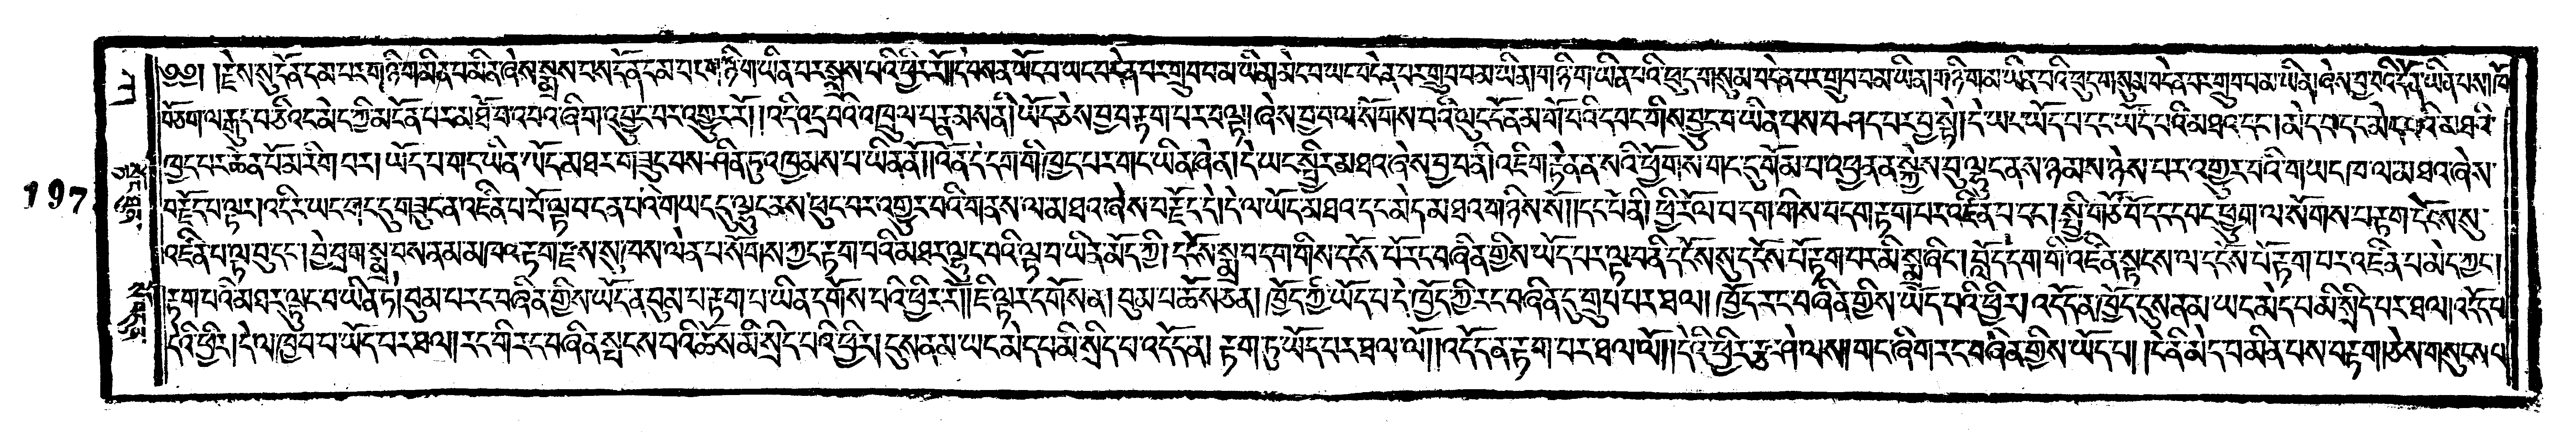༄༅། །རྗེས་སུ་དོན་དམ་པར་གཉི་ག་མིན་པ་མིན་ཞེས་སྨྲས་པས་དོན་དམ་པར་གཉི་ག་ཡིན་པར་སྨྲས་པའི་ཕྱིར་རོ། །དེ་བས་ན་ཡོད་པ་ཡང་བདེན་པར་གྲུབ་བ་མ་ཡིན། མེད་པ་ཡང་བདེན་པར་གྲུབ་པ་མ་ཡིན། གཉི་ག་ཡིན་པའི་ཕུང་གསུམ་བདེན་པར་གྲུབ་བ་མ་ཡིན། གཉི་ག་མ་ཡིན་པའི་ཕུང་གསུམ་བདེན་པར་གྲུབ་པ་མ་ཡིན། ཞེས་བྱ་བའི་དོན་ཡིན་པས། ཁོ་
བོ་ཅག་ལ་རྒུད་པ་ཅིའང་མེད་ཀྱི་མངོན་པར་མཐོ་བ་འབའ་ཞིག་འབྱུང་བར་འགྱུར་རོ། །འདི་འདྲ་བའི་འཁྲུལ་པ་རྣམས་ནི། ཡོད་ཅེས་བྱ་བ་རྟག་པར་བལྟ། ཞེས་བྱ་བ་ལ་སོགས་བའི་ལུང་དོན་མ་གོ་བའི་དབང་གིས་བྱུང་བ་ཡིན་པས་བཤད་པར་བྱ་སྟེ། དེ་ཡང་ཡོད་པ་དང་ཡོད་པའི་མཐའ་དང་། མེད་པ་དང་མེད་པའི་མཐའི་
ཁྱད་པར་ཆེན་པོ་མ་རིག་བར། ཡོད་པ་གང་ཡིན་ཡོད་མཐར་གཟུང་བས་ཤིན་ཏུ་འཁྱམས་པ་ཡིན་ནོ། །འོ་ན་དེ་དག་གི་ཁྱད་པར་གང་ཡིན་ཞེ་ན། དེ་ཡང་སྤྱིར་མཐའ་ཞེས་བྱ་བ་ནི། འཇིག་རྟེན་ན་སའི་ཕྱོགས་གང་དུ་གོམ་པ་འཕྱན་ན་སྐྱེས་བུ་ལྷུང་ནས་ཉམས་ཉེས་པར་འགྱུར་བའི་གཡང་ཁ་ལ་མཐའ་ཞེས་
བརྗོད་པ་ལྟར། འདིར་ཡང་གང་དུ་གཟུང་ན་འཛིན་པ་པོ་ལྟ་བ་ངན་པའི་གཡང་དུ་ལྷུང་ནས་ཕུང་བར་འགྱུར་བའི་གནས་ལ་མཐའ་ཞེས་བརྗོད་དེ། དེ་ལ་ཡོད་མཐའ་དང་མེད་མཐའ་གཉིས་སོ། །དང་པོ་ནི། ཕྱི་རོལ་པ་དག་གིས་བདག་རྟག་པར་འཛིན་པ་དང་། སྤྱི་གཙོ་བོ་དང་དབང་ཕྱུག་ལ་སོགས་པ་རྟག་དངོས་སུ་
འཛིན་པ་ལྟ་བུ་དང་། བྱེ་བྲག་སྨྲ་བས་ནམ་མཁའ་རྟག་རྫས་སུ་ཁས་ལེན་པ་སོགས་ཀྱང་རྟག་པའི་མཐར་ལྷུང་བའི་ལྟ་བ་ཡིན་མོད་ཀྱི། དངོས་སྨྲ་བ་དག་གིས་དངོས་པོ་རང་བཞིན་གྱིས་ཡོད་པར་ལྟ་བ་ནི་དངོས་སུ་དངོས་པོ་རྟག་པར་མི་སྨྲ་ཞིང་། བློ་དེ་དག་གི་འཛིན་སྟངས་ལ་དངོས་པོ་རྟག་པར་འཛིན་པ་མེད་ཀྱང་
རྟག་པའི་མཐར་ལྟུང་བ་ཡིན་ཏེ། བུམ་པ་རང་བཞིན་གྱིས་ཡོད་ན་བུམ་པ་རྟག་པ་ཡིན་དགོས་པའི་ཕྱིར་རོ། །ཇི་ལྟར་དགོས་ན། བུམ་པ་ཆོས་ཅན། ཁྱོད་ཀྱི་ཡོད་པ་དེ་ཁྱོད་ཀྱི་རང་བཞིན་དུ་གྲུབ་པར་ཐལ། ཁྱོད་རང་བཞིན་གྱིས་ཡོད་པའི་ཕྱིར། འདོད་ན་ཁྱོད་དུས་ནམ་ཡང་མེད་པ་མི་སྲིད་པར་ཐལ། འདོད་པ་
དེའི་ཕྱིར། དེ་ལ་ཁྱབ་པ་ཡོད་པར་ཐལ། རང་གི་རང་བཞིན་སྤངས་བའི་ཆོས་མི་སྲིད་པའི་ཕྱིར། དུས་ནམ་ཡང་མེད་པ་མི་སྲིད་པ་འདོད་ན། རྟག་ཏུ་ཡོད་པར་ཐལ་ལོ། །འདོད་ན་རྟག་པར་ཐལ་ལོ། །དེའི་ཕྱིར་རྩ་ཤེ་ལས། གང་ཞིག་རང་བཞིན་གྱིས་ཡོད་པ། །དེ་ནི་མེད་པ་མིན་པས་བརྟག །ཅེས་གསུངས་པ་